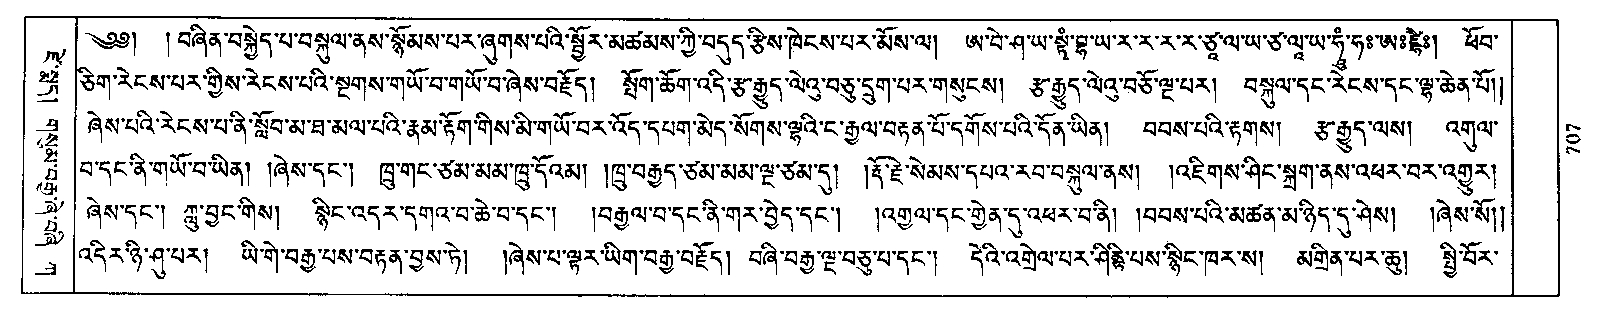༄༅། །བཞིན་བསྐྱེད་པ་བསྐུལ་ནས་སྙོམས་པར་ཞུགས་པའི་སྦྱོར་མཚམས་ཀྱི་བདུད་རྩིས་ཁེངས་པར་མོས་ལ། ཨ་བེ་ཤ་ཡ་སྟྭཾ་བྷ་ཡ་ར་ར་ར་ར་ཙཱ་ལ་ཡ་ཙ་ལཱ་ཡ་ཧཱུཾ་ཧཿ ཨཿ ཛྷཻཿ། ཕོབ་
ཅིག་རེངས་པར་གྱིས་རེངས་པའི་སྔགས་གཡོ་བ་གཡོ་བ་ཞེས་བརྗོད། སྤོག་ཆོག་འདི་རྩ་རྒྱུད་ལེའུ་བཅུ་དྲུག་པར་གསུངས། རྩ་རྒྱུད་ལེའུ་བཅོ་ལྔ་པར། བསྐུལ་དང་རེངས་དང་ལྷ་ཆེན་པོ།།
ཞེས་པའི་རེངས་པ་ནི་སློབ་མ་ཐ་མལ་པའི་རྣམ་རྟོག་གིས་མི་གཡོ་བར་འོད་དཔག་མེད་སོགས་ལྷའི་ང་རྒྱལ་བརྟན་པོ་དགོས་པའི་དོན་ཡིན། བབས་པའི་རྟགས། རྩ་རྒྱུད་ལས། འགུལ་
བ་དང་ནི་གཡོ་བ་ཡིན། །ཞེས་དང་། ཁྲུ་གང་ཙམ་མམ་ཁྲུ་དོའམ། །ཁྲུ་བརྒྱད་ཙམ་མམ་ལྔ་ཙམ་དུ། །རྡོ་རྗེ་སེམས་དཔའ་རབ་བསྐུལ་ནས། །འཇིགས་ཤིང་སྐྲག་ནས་འཕར་བར་འགྱུར།
ཞེས་དང་། ཀླུ་བྱང་གིས། སྙིང་འདར་དགའ་བ་ཆེ་བ་དང་། །བརྒྱལ་བ་དང་ནི་གར་བྱེད་དང་། །འགྱལ་དང་གྱེན་དུ་འཕར་བ་ནི། །བབས་པའི་མཚན་མ་ཉིད་དུ་ཤེས། །ཞེས་སོ།།
འདིར་ཉི་ཤུ་པར། ཡི་གེ་བརྒྱ་པས་བརྟན་བྱས་ཏེ། །ཞེས་པ་ལྟར་ཡིག་བརྒྱ་བརྗོད། བཞི་བརྒྱ་ལྔ་བཅུ་པ་དང་། དེའི་འགྲེལ་པར་ཤིནྟི་པས་སྙིང་ཁར་ས། མགྲིན་པར་ཆུ། སྤྱི་བོར་